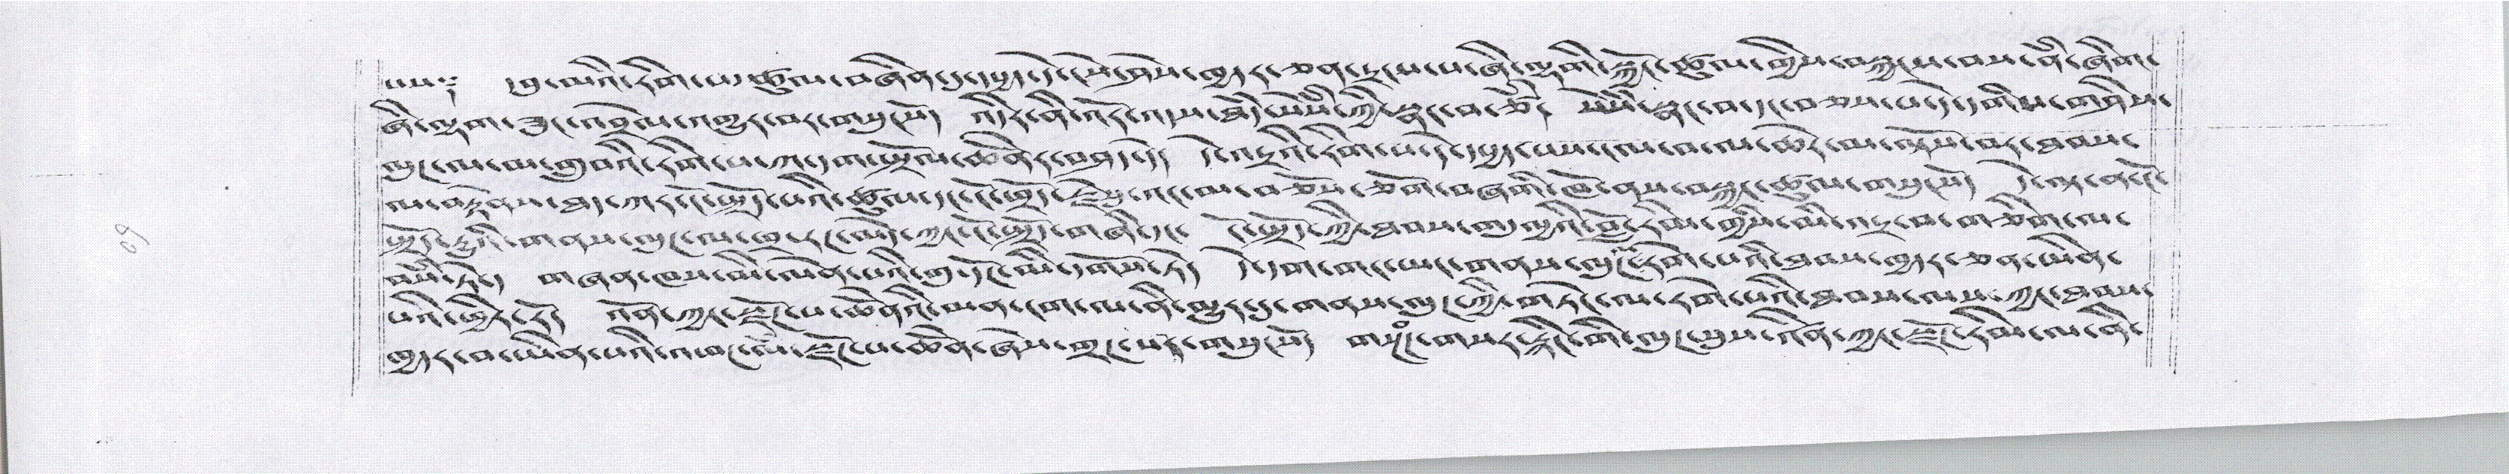པས། དབུ་མའི་རིགས་པ་ཚུལ་བཞིན་དུ་དཔྱད་དེ་ངེས་ཤེས་ཁྱད་པར་ཅན་དྲངས་པ་ཞི་ལྷག་གིས་སྐྱོང་ཚུལ་གྱིས་བསྐྱངས་པས་ནམ་ཞིག་
ཞི་ལྷག་ཟུང་འབྲེལ་འགྱུར་བར་གསུངས་སོ། འདིར་ནི་འཁོར་འདས་ཐམས་ཅད་སེམས་ཀྱི་སྣང་བ་ཙམ། སེམས་སྣང་བ་དང་བཅས་པ་དེ་དག་གིས་གཤིས་
ལུགས་ལ་མ་གྲུབ་པའི་རིག་པ་ཀ་དག་སྤྲོས་བྲལ་ཆེན་པོར་བཤད་དེ། དེ་འདྲའི་རིག་པ་དེ་དཔྱད་པས་ངལ་བ་ལ་ཆེར་མ་ལྟོས་པར་ཐབས་
ལ་བརྟེན་ནས་ཐད་ཀར་ངོ་སྤྲོད་པའི་ཚུལ་དང་ངོ་སྤྲད་རྗེས་སུའང་མ་བཅོས་ཅོག་བཞག་གི་ཁོ་ནས་བསྐྱང་ཚུལ་གསུངས་སོ། དེ་ལྟར་ན་ངོ་
སྤྲོད་རྒྱུའི་གནས་ལུགས་ལས་ཕྲ་རགས་མེད་ཀྱང་ངོ་སྤྲོད་གཞི་དང་ངོ་སྤྲོད་གཞི་དང་ངོ་སྤྲོད་ཀྱི་ཐབས་གདུལ་བྱའི་བློ་རིམ་གྱིས་མི་འདྲ་བ་གཅིག་ལ་
བསམ་སྟེ། གཞན་ཁས་མི་ལེན་པའི་གུ་དོགས་མི་དགོས་ཏེ། དེ་དག་གང་ཡང་གནས་ལུགས་རིག་པའི་ཐབས་ཁྱད་པར་ཅན་ཡིན་
པའི་ཕྱིར་རོ། འོན་ཀྱང་རྫོགས་པ་ཆེན་པོའི་མན་ངག་ལ་ནི་མྱུར་དུ་གནས་ལུགས་ཀྱི་གཏིང་ལ་རེག་པའི་ཐབས་ལས་ཀྱང་ཐབས་
ཁྱད་པར་བ་ཡིན་པས་འཕགས་ལམ་རྫོགས་པ་ཆེན་པོ་ཞེས་གྲགས་པར་གསུངས་སོ། གསང་སྔགས་གསར་རྙིང་གི་ལུགས་སུས་འཛིན་ཀྱང་རྫོགས་རིམ་ལ་ནི་